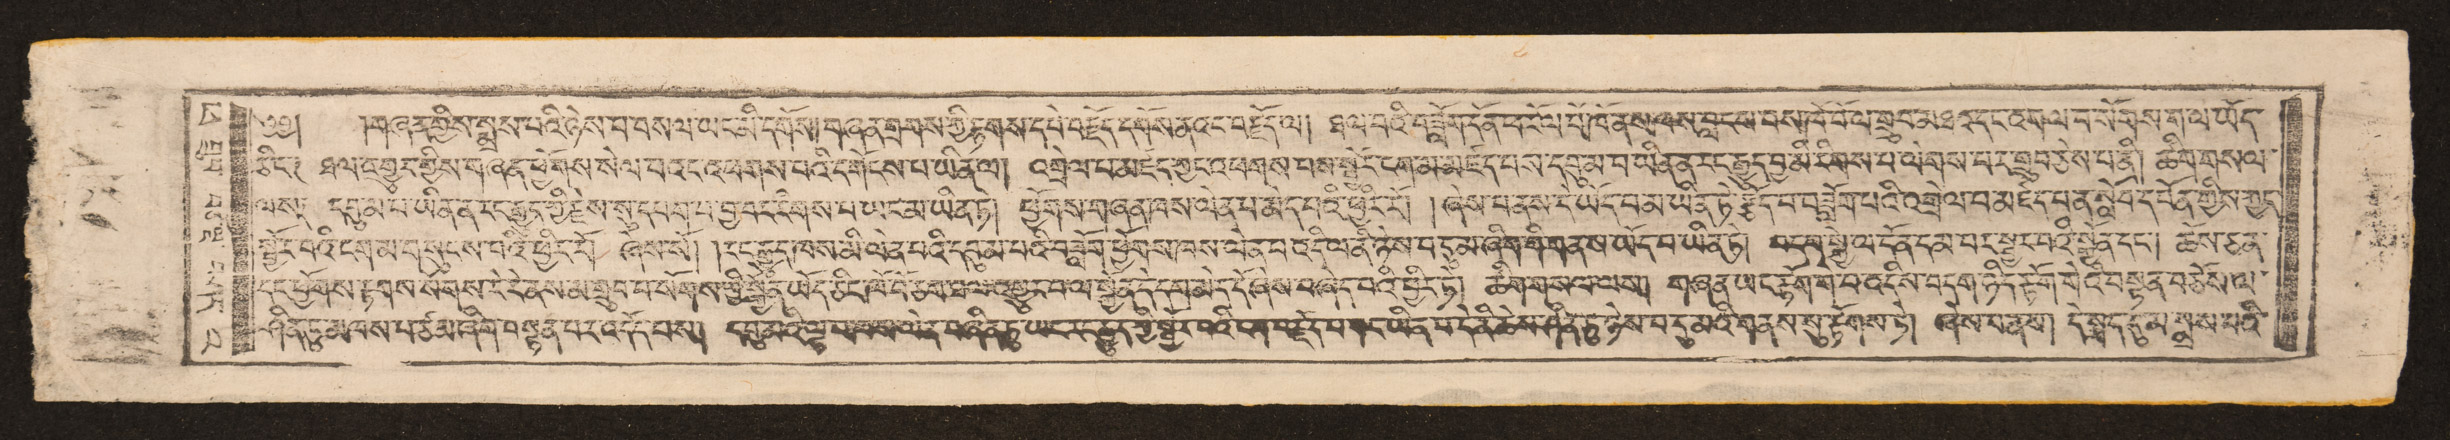༄༅། །གཞན་གྱིས་སྨྲས་པའི་ཉེས་པ་བསལ་ཡང་མི་དགོས། གཞན་གྲགས་ཀྱི་རྟགས་དཔེ་བརྗོད་དགོས་ནའང་བརྗོད་ལ། ཐལ་བའི་བཟློག་དོན་ཕ་རོལ་བོ་ཁོ་ནས་ཁས་བླངས་པས་ཁོ་བོ་ལ་གྲུབ་མཐའ་དང་འགལ་བ་སོགས་གལ་ཡོད་
ཅིང་ཐལ་འགྱུར་གྱིས་གཞན་ཕྱོགས་སེལ་བ་འང་འཕགས་པའི་དགོངས་པ་ཡིན་ལ། འགྲེལ་པ་མཛད་ཀྱང་འཕགས་པས་སྦྱོར་ངག་མ་མཛད་པས་དབུ་མ་པ་ཡིན་ན་རང་རྒྱུད་བྱ་མི་རིགས་པ་ལེགས་པར་གྲུབ་ཅེས་པ་ནི། ཚིག་གསལ་
ལས༑ དབུ་མ་པ་ཡིན་ན་རང་རྒྱུད་ཀྱི་རྗེས་སུ་དབག་པ་བྱ་བར་རིགས་པ་ཡང་མ་ཡིན་ཏེ། ཕྱོགས་གཞན་ཁས་ལེན་པ་མེད་པའི་ཕྱིར་རོ། །ཞེས་པ་ནས་དེ་ཡོད་པ་མ་ཡིན་ཏེ་རྩོད་པ་བཟློག་པའི་འགྲེལ་པ་མཛད་པ་ན་སློབ་དཔོན་གྱིས་ཀྱང་
སྦྱོར་བའི་ངག་མ་གསུངས་པའི་ཕྱིར་རོ། ཞེས་སོ། །རང་རྒྱུད་ཁས་མི་ལེན་པའི་དབུ་མ་པའི་བཟློག་ཕྱོགས་ཁས་ལེན་པ་འདི་ལ་ནི་ཉེས་བ་དུ་མ་ཞིག་གི་གནས་ཡོད་པ་ཡིན་ཏེ། བདག་སྐྱེ་ལ་དོན་དམ་པར་སྦྱར་བའི་སྐྱོན་དང་། ཆོས་ན་
དང་ཕྱོགས་རྟགས་སོགས་རེ་རེ་ནས་མ་བྲུབ་པ་སོགས་ཀྱི་སྐྱོན་ཡོད་ཅིང་ཁོ་བོ་ཅག་ཐལ་འགྱུར་བ་ལ་སྐྱོན་དེ་དག་མེད་དོ་ཞེས་བཞེད་པའི་ཕྱིར་ཏེ། ཚིག་གསལ་ལས། གཞན་ཡང་རྟོག་གེ་པ་འདིས་བདག་ཉིད་རྟོག་གེའི་བསྟན་བཅོས་ལ་
ཤིན་ཏུ་མཁས་པ་ཙམ་ཞིག་བསྟན་པར་འདོད་པས། དབུ་མའི་ལྟ་བ་ཁས་ལེན་བཞིན་ཏུ་ཡང་རང་རྒྱུད་ཀྱི་སྦྱོར་བའི་ངག་བརྗོད་པ་གང་ཡིན་པ་དེ་ནི་ཆེས་ཤིན་ཏུ་ཉེས་པ་དུ་མའི་གནས་གུ་རྟོགས་ཏེ། ཞེས་པ་ནས། དེ་སྐད་དུ་མ་སྨྲས་པའི་